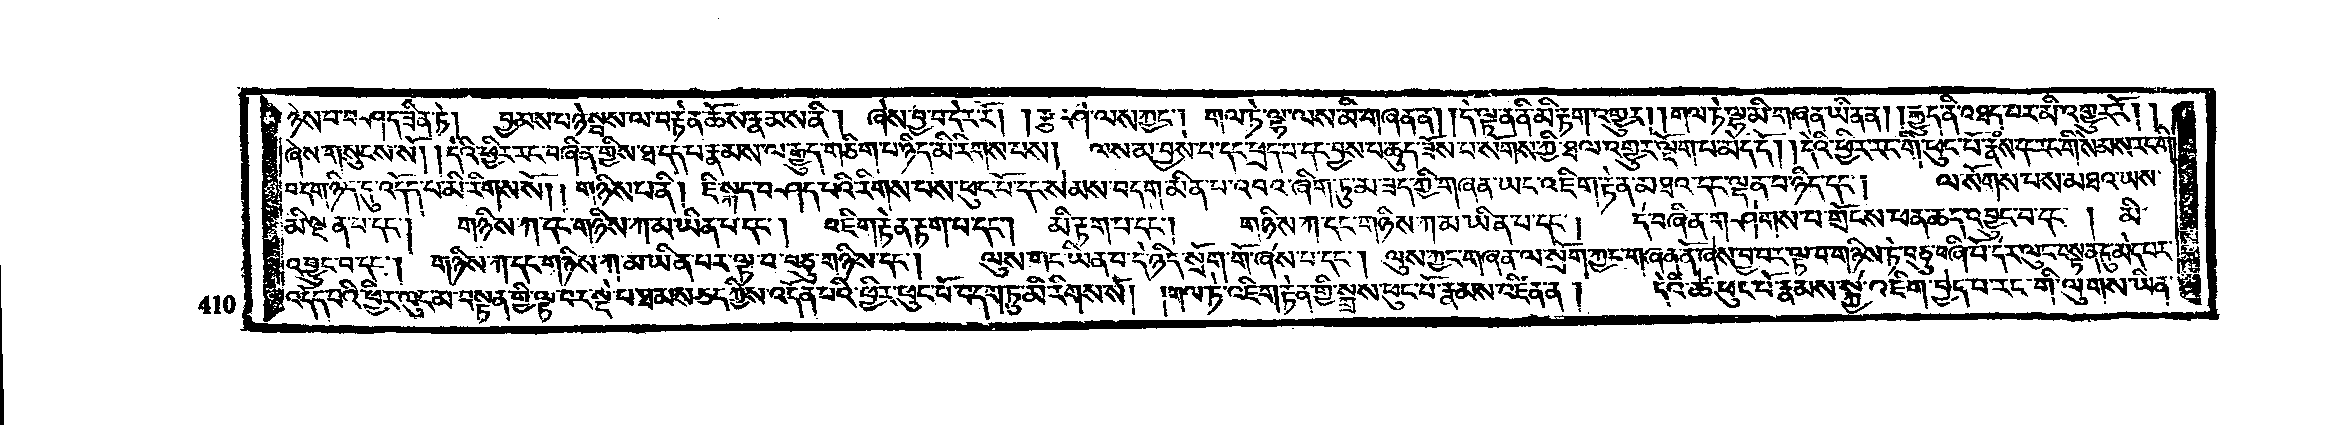ཉེས་པ་བཤད་ཟིན་ཏེ། བྱམས་པ་ཉེ་སྦས་ལ་བརྟེན་ཆོས་རྣམས་ནི། ཞེས་བྱ་བ་དེར་རོ། །རྩ་ཤེ་ལས་ཀྱང་། གལ་ཏེ་ལྷ་ལས་མི་གཞན་ན། །དེ་ལྟ་ན་ནི་མི་རྟག་འགྱུར། །གལ་ཏེ་ལྷ་མི་གཞན་ཡིན་ན། །རྒྱུད་ནི་འཐད་པར་མི་འགྱུར་རོ། །
ཞེས་གསུངས་སོ། །དེའི་ཕྱིར་རང་བཞིན་གྱིས་ཐ་དད་པ་རྣམས་ལ་རྒྱུད་གཅིག་པ་ཉིད་མི་རིགས་པས། ལས་མ་བྱས་པ་དང་ཕྲད་པ་དང་བྱས་པ་ཆུད་ཟོས་པ་སོགས་ཀྱི་ཐལ་འགྱུར་ལྡོག་པ་མེད་དོ། །དེའི་ཕྱིར་རང་གི་ཕུང་པོ་རྣམས་དང་རང་གི་སེམས་རང་གི་
བདག་ཉིད་དུ་འདོད་པ་མི་རིགས་སོ། །གཉིས་པ་ནི། ཇི་སྐད་བཤད་པའི་རིགས་པས་ཕུང་པོ་དང་སེམས་བདག་མིན་པ་འབའ་ཞིག་ཏུ་མ་ཟད་ཀྱི་གཞན་ཡང་འཇིག་རྟེན་མཐའ་དང་ལྡན་པ་ཉིད་དང་། ལ་སོགས་པས་མཐའ་ཡས་
མི་ལྡན་པ་དང་། གཉིས་ཀ་དང་གཉིས་ཀ་མ་ཡིན་པ་དང་། འཇིག་རྟེན་རྟག་པ་དང་། མི་རྟག་པ་དང་། གཉིས་ཀ་དང་གཉིས་ཀ་མ་ཡིན་པ་དང་། དེ་བཞིན་གཤེགས་པ་གྲོངས་ཕན་ཆད་འབྱུང་བ་དང་། མི་
འབྱུང་བ་དང་། གཉིས་ཀ་དང་གཉིས་ཀ་མ་ཡིན་པར་ལྟ་པ་བཅུ་གཉིས་དང་། ལུས་གང་ཡིན་པ་དེ་ཉིད་སྲོག་གོ་ཞེས་པ་དང་། ལུས་ཀྱང་གཞན་ལ་སྲོག་ཀྱང་གཞན་ནོ་ཞེས་བྱ་བར་ལྟ་བ་གཉིས་ཏེ་བཅུ་བཞི་པོ་དེར་ལུང་བསྟན་དུ་མེད་པར་
འདོད་པའི་ཕྱིར་ལུང་མ་བསྟན་གྱི་ལྟ་བར་སྡེ་པ་ཐམས་ཅད་ཀྱིས་འདོད་པའི་ཕྱིར་ཕུང་པོ་བདག་ཏུ་མི་རིགས་སོ། །གལ་ཏེ་འཇིག་རྟེན་གྱི་སྒྲས་ཕུང་པོ་རྣམས་འཛིན་ན། དེའི་ཚེ་ཕུང་པོ་རྣམས་སྐྱེ་འཇིག་བྱེད་པ་རང་གི་ལུགས་ཡིན་